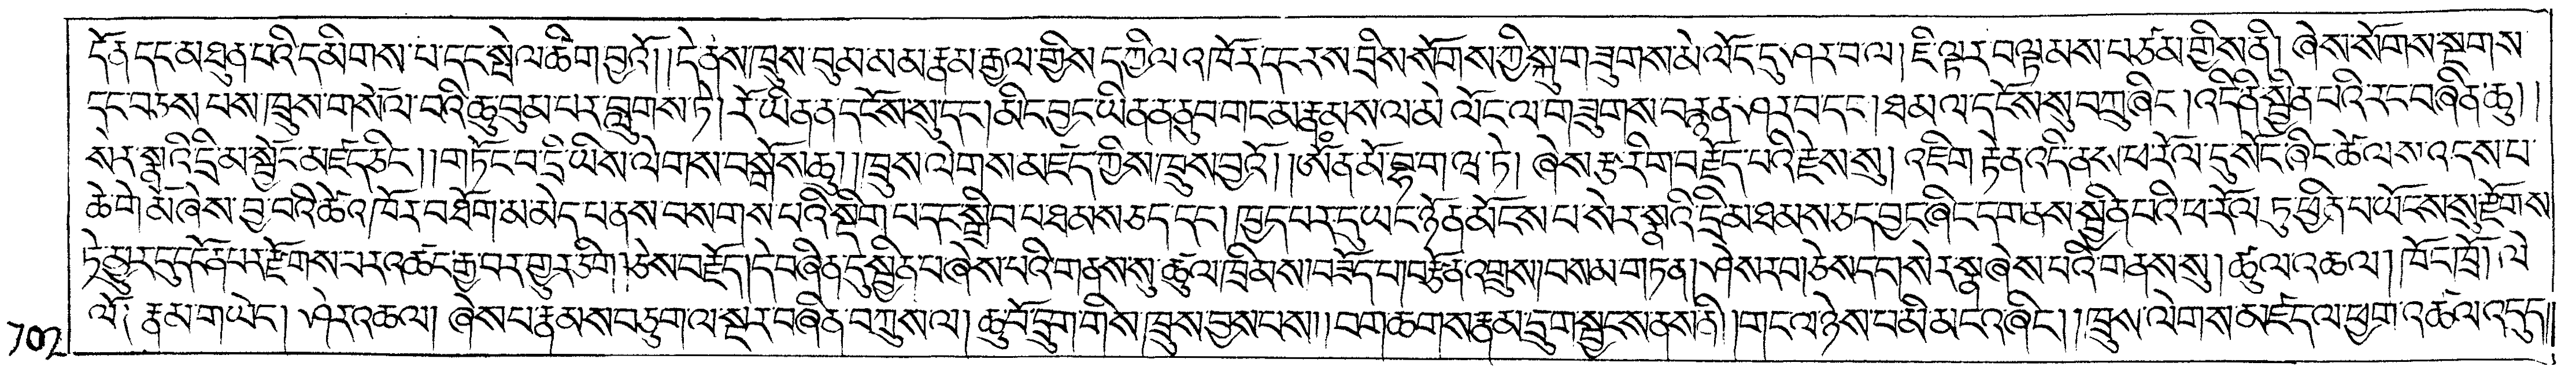དོན་དང་མཐུན་པའི་དམིགས་པ་དང་སྤེལ་ཚིག་བྱའོ། །དེ་ནས་ཁྲུས་བུམ་མམ་རྣམ་རྒྱལ་གྱིས་དཀྱིལ་འཁོར་དང་རས་བྲིས་སོགས་ཀྱི་སྐུ་གཟུགས་མེ་ལོང་དུ་ཤར་བ་ལ། ཇི་ལྟར་བལྟམས་པ་ཙམ་གྱིས་ནི། ཞེས་སོགས་སྔགས་
དང་བཅས་པས་ཁྲུས་གསོལ་བའི་ཆུ་བུམ་པར་བླུགས་ཏེ། རོ་ཡིན་ན་དངོས་སུ་དང་། མིང་བྱང་ཡིན་ན་ནུབ་གང་མ་རྣམས་ལ་མེ་ལོང་ལ་གཟུགས་བརྙན་ཤར་བ་དང་། ཐ་མལ་དངོས་སུ་བཀྲུ་ཞིང་། འདི་ནི་སྦྱིན་པའི་རང་བཞིན་ཆུ། །
སེར་སྣའི་དྲི་མ་སྦྱོང་མཛད་ཅིང་། །གཏོང་བ་དྲི་ཡིས་ལེགས་བསྒོས་ཆུ། །ཁྲུས་ལེགས་མཛད་ཀྱིས་ཁྲུས་བྱའོ། །ཨོཾ་ན་མོ་བྷ་ག་ཝ་ཏེ། ཞེས་རྩ་རིག་བརྗོད་པའི་རྗེས་སུ། འཇིག་རྟེན་འདི་ནས་ཕ་རོལ་དུ་སོང་ཞིང་ཚེ་ལས་འདས་པ་
ཆེ་གེ་མོ་ཞེས་བྱ་བའི་ཚེ་འཁོར་བ་ཐོག་མ་མེད་པ་ནས་བསགས་པའི་སྡིག་པ་དང་སྒྲིབ་པ་ཐམས་ཅད་དང་། ཁྱད་པར་དུ་ཡང་ཉོན་མོངས་པ་སེར་སྣའི་དྲི་མ་ཐམས་ཅད་བྱང་ཞིང་དག་ནས་སྦྱིན་པའི་ཕ་རོལ་ཏུ་ཕྱིན་པ་ཡོངས་སུ་རྫོགས་
ཏེ་མྱུར་དུ་དངོན་པར་རྫོགས་པར་འཚང་རྒྱ་བར་གྱུར་ཅིག །ཅེས་བརྗོད། དེ་བཞིན་དུ་སྦྱིན་པ་ཞེས་པའི་གནས་སུ་ཚུལ་ཁྲིམས། བཟོད་པ། བརྩོན་འགྲུས། བསམ་གཏན། ཤེས་རབ། ཅེས་དང་། སེར་སྣ་ཞེས་པའི་གནས་སུ། ཚུལ་འཆལ། ཁོང་ཁྲོ། ལེ་
ལོ༑ རྣམ་གཡེང་། ཤེར་འཆལ། ཞེས་པ་རྣམས་བཅུག་ལ་སྔར་བཞིན་བཀྲུས་ལ། ཆུ་བོ་དྲུག་གིས་ཁྲུས་བྱས་པས། །བག་ཆགས་རྣམ་དྲུག་སྦྱངས་ནས་ནི། །གང་ལ་ཉེས་པ་མི་མངའ་ཞིང་། །ཁྲུས་ལེགས་མཛད་ལ་ཕྱག་འཚལ་འདུད།